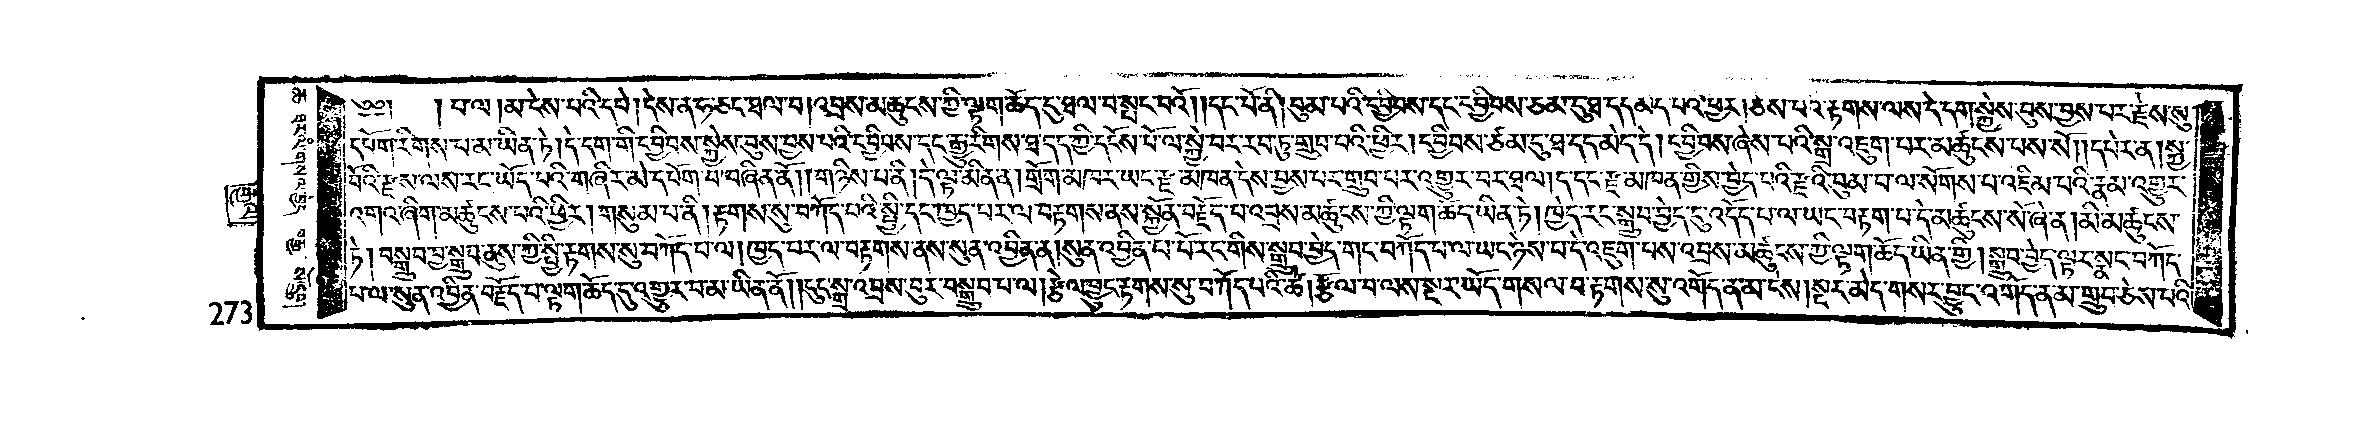༄༅། །པ་ལ་།མ་ངེས་པའི་དཔེ། དེས་ན་ཧ་ཅང་ཐལ་བ། འབྲས་མཚུངས་ཀྱི་ལྟག་ཆོད་དུ་ཐལ་བ་སྤང་བའོ། །དང་པོ་ནི། བུམ་པའི་དབྱིབས་དང་དབྱིབས་ཙམ་དུ་ཐ་དད་མེད་པའི་ཕྱིར། ཅེས་པའི་རྟགས་ལས་དེ་དག་སྐྱེས་བུས་བྱས་པར་རྗེས་སུ་
དཔོག་རིགས་པ་མ་ཡིན་ཏེ། དེ་དག་གི་དབྱིབས་སྐྱེས་བུས་བྱས་པའི་དབྱིབས་དང་རྒྱུ་རིགས་ཐ་དད་ཀྱི་དངོས་པོ་ལ་སྐྱེ་བར་རབ་ཏུ་གྲུབ་པའི་ཕྱིར། དབྱིབས་ཙམ་དུ་ཐ་དད་མེད་དེ། དབྱིབས་ཞེས་པའི་སྒྲ་འཇུག་པར་མཚུངས་པས་སོ། །དཔེར་ན། སྐྱེ་
བོའི་རྫས་ལས་རང་ཡོད་པའི་གཞིར་མེ་དཔོག་པ་བཞིན་ནོ། །གཉིས་པ་ནི། དེ་ལྟ་མིན་ན། གྲོག་མཁར་ཡང་རྫ་མཁན་དེས་བྱས་པར་གྲུབ་པར་འགྱུར་བར་ཐལ། ད་དང་རྫ་མཁན་གྱིས་བྱེད་པའི་རྫའི་བུམ་པ་ལ་སོགས་པ་འཇིམ་པའི་རྣམ་འགྱུར་
འགའ་ཞིག་མཚུངས་པའི་ཕྱིར། གསུམ་པ་ནི། རྟགས་སུ་བཀོད་པའི་སྤྱི་དང་ཁྱད་པར་ལ་བརྟགས་ནས་སྐྱོན་བརྗོད་པ་འབྲས་མཚུངས་ཀྱི་ལྟག་ཆོད་ཡིན་ཏེ། ཁྱེད་རང་སྒྲུབ་བྱེད་དུ་འདོད་པ་ལ་ཡང་བརྟག་པ་དེ་མཚུངས་སོ་ཞེ་ན། མི་མཚུངས་
ཏེ། བསྒྲུབ་བྱ་སྒྲུབ་ནུས་ཀྱི་སྤྱི་རྟགས་སུ་བཀོད་པ་ལ། ཁྱད་པར་ལ་བརྟགས་ནས་སུན་འབྱིན་ན། སུན་འབྱིན་པ་པོ་རང་གིས་སྒྲུབ་བྱེད་གང་བཀོད་པ་ལ་ཡང་ཉེས་པ་དེ་འཇུག་པས་འབྲས་མཚུངས་ཀྱི་ལྟག་ཆོད་ཡིན་གྱི། སྒྲུབ་བྱེད་ལྟར་སྣང་བཀོད་
པ་ལ་སུན་འབྱིན་བརྗོད་པ་ལྟག་ཆོད་དུ་འགྱུར་བ་མ་ཡིན་ནོ། །དུང་སྒྲ་འབྲས་བུར་བསྒྲུབ་པ་ལ། རྩེལ་བྱུང་རྟགས་སུ་བཀོད་པའི་ཚེ། རྩོལ་བ་ལས་སྔར་ཡོད་གསལ་བ་རྟགས་སུ་འགོད་ན་མ་ངེས། སྔར་མེད་གསར་བྱུང་འགོད་ན་མ་གྲུབ་ཅེས་པའི་